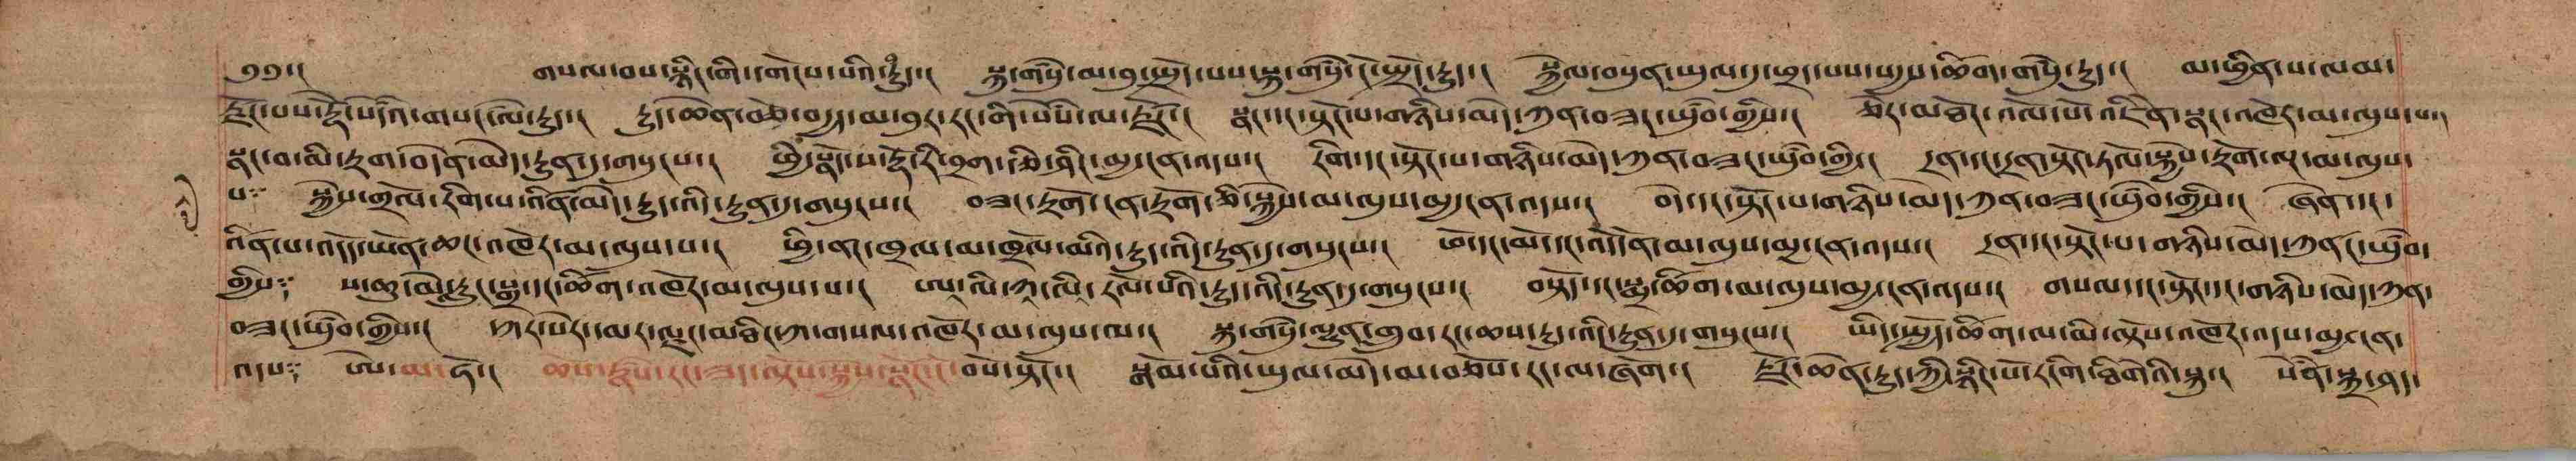༄༅།། གསལ་བས་སྙིང་གི་དགོངས་པའི་རྒྱུད།། སྐུ་གསུམ་མ་བུ་སྤྲོད་པས་སྐུ་གསུམ་ངོ་སྤྲོད་རྒྱུད།། སྐྱེལ་བསུན་ཡུལ་དུ་ཕྲད་པས་སངས་རྒྱས་ཚིག་གསུམ་རྒྱུད།། མ་ཕྱིན་ས་ལམ་
རྫོགས་པས་རྡོ་རྗེ་སེམས་དཔའ་གསང་བའི་རྒྱུད།། རྒྱུད་ཆེན་བཅོ་བརྒྱད་མ་བུར་རང་གི་སེམས་ལ་རྫོགས།། སྣང་དང་སྟོང་པ་གཉིས་མེད་ཀུན་བཟང་ཡབ་ཡུམ་གྱིས།། ཅིེར་མཐོང་འོལ་པོ་འཇིག་རྟེན་སྣང་འཁོར་མ་ལུས་པ།། 
སྣང་བ་མི་རྟག་བདེན་མེད་རྒྱུན་དུ་གསུངས།། བཟང་རྟོག་ངན་རྟོག་ཅི་སྐྱེས་མ་ལུས་མྱ་ངན་འདས།། བདེ་དང་སྟོང་པ་གཉིས་མེད་ཀུན་བཟང་ཡབ་ཡུམ་གྱིས།། ཞེན་དང་
འཛིན་པ་འདོད་ཡོན་ཆགས་འཁོར་མ་ལུས་པ།། ཨཱ་ལི་ཀཱ་ལཱི་རོལ་པའི་རྒྱུད་འདི་རྒྱུན་དུ་གསུངས།། བསྟོད་དང་སྨྲ་ཚིག་མ་ལུས་མྱ་ངན་འདས།། གསལ་དང་སྟོང་དང་གཉིས་མེད་ཀུན་
བཟང་ཡབ་ཡུམ་གྱིས།། དཀར་སེར་དམར་ལྗང་མཐིང་ཀ་གསལ་འཁོར་མ་ལུས་ལ།། སྐུ་གསུམ་ལྷུན་གྲུབ་རང་ཆས་རྒྱུད་འདི་རྒྱུན་དུ་གསུངས།། ཡིད་སྤྱོད་ཚིག་ལ་མི་ལྟོས་འཁོར་འདས་མྱ་ངན་
འདས།། ཨེ་མ་ཧོ།། ཆོས་རྣམས་རང་ཟད་ལྟོས་སྐྱེས་སྣ་ཚོགས་ངོ་བོས་སྟོང་།། སྒོམ་པའི་ཡུལ་མེད་མ་བཅོས་རང་ལ་ཞོག། རྫོགས་ཆེན་རྒྱུད་ཀྱི་སྙིང་པོ་རང་རིག་ཐིག་ལེའི་སྐུ།། སེམས་ཅན་སྐྲ་ཤད་